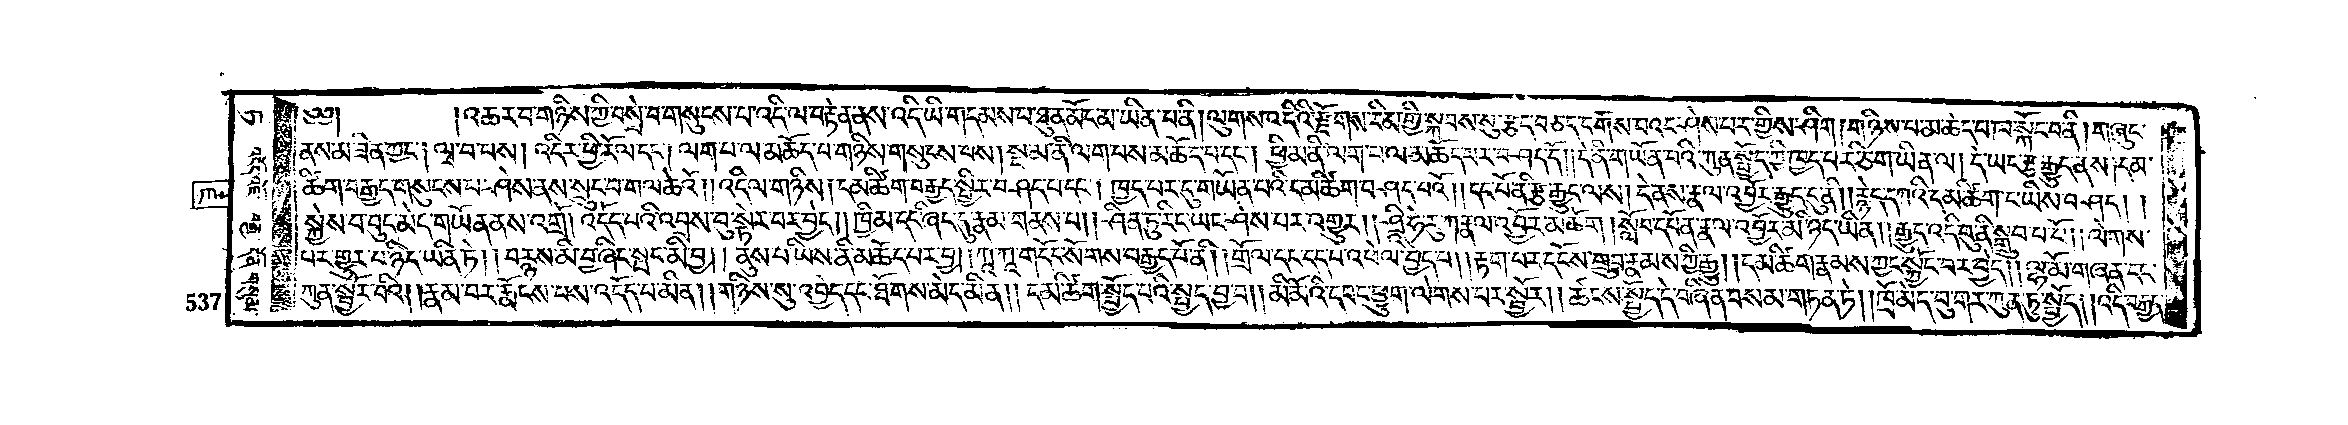༄༅། །འཆར་བ་གཉིས་ཀྱི་བསྲེ་བ་གསུངས་པ་འདི་ལ་བརྟེན་ནས་འདི་ཡི་གདམས་པ་ཐུན་མོང་མ་ཡིན་པ་ནི། ལུགས་འདིའི་རྫོགས་རིམ་གྱི་སྐབས་སུ་རྩད་བཅད་དགོས་པའང་ཤེས་པར་གྱིས་ཤིག །གཉིས་པ་མ་ཚང་པ་ཁ་སྐོང་བ་ནི། གཞུང་
ནས་མ་ཟིན་ཀྱང་། ལྭ་བ་པས། འདིར་ཕྱི་རོལ་དང་། ལག་པ་ལ་མཆོད་པ་གཉིས་གསུངས་པས། སྔ་མ་ནི་ལག་པས་མཆོད་པ་དང་། ཕྱི་མ་ནི་ལག་པ་ལ་མཆོད་པར་བཤད་དོ། །དེ་ནི་གཡོན་པའི་ཀུན་སྤྱོད་ཀྱི་ཁྱད་པར་ཅིག་ཡིན་ལ། དེ་ཡང་རྩ་རྒྱུད་ནས། དམ་
ཚིག་བརྒྱད་གསུངས་པ་ཤེས་ནས་སྲུང་བ་གལ་ཆེའོ། །འདི་ལ་གཉིས། དམ་ཚིག་བརྒྱད་སྤྱིར་བཤད་པ་དང་། ཁྱད་པར་དུ་གཡོན་པའི་དམ་ཚིག་བཤད་པའོ། །དང་པོ་ནི་རྩ་རྒྱུད་ལས། དེ་ནས་རྣལ་འབྱོར་རྒྱུད་དུ་ནི། །རྙེད་དཀའི་དམ་ཚིག་ང་ཡིས་བཤད། །
སྐྱེས་པ་བུད་མེད་གཡོན་ནས་འགྲོ། འདོད་པའི་འབྲས་བུ་སྟེར་བར་བྱེད། །ཁྱིམ་དང་ཞིང་དུ་རྣམ་གནས་པ། །ཤིན་ཏུ་རིང་ཡང་ཤེས་པར་འགྱུར། །ཤྲཱི་ཧེ་རུ་ཀ་རྣལ་འབྱོར་མཆོག །སློབ་དཔོན་རྣལ་འབྱོར་མ་ཉིད་ཡིན། །རྒྱུད་འདི་རུ་ནི་སྒྲུབ་པ་པོ། །ལེགས་
པར་གྱུར་པ་ཉིད་ཡིན་ཏེ། །བརྙས་མི་བྱ་ཞིང་སྤང་མི་བྱ། །ནུས་པ་ཡིས་ནི་མཆོད་པར་བྱ། །ཀཱ་ཀཱ་གདོང་སོགས་བརྒྱད་པོ་ནི། །གྲོལ་དང་དད་པ་འཕེལ་བྱེད་པ། །རྟག་པར་དངོས་གྲུབ་རྣམས་ཀྱི་རྒྱུ། །དམ་ཚིག་རྣམས་ཀྱང་སྐྱོང་བར་བྱེད། །ལྷ་མོ་གཞན་དང་
ཀུན་སྦྱོར་བའི། །རྣམ་པར་རྨོངས་པས་འདོད་པ་མིན། །གཉིས་སུ་འབྱེད་དང་ཐོགས་མེད་མིན། །དམ་ཚིག་སྤྱོད་པའི་སྤྱད་བྱ་བ། །མི་མོའི་དབང་ཕྱུག་ལེགས་པར་སྦྱོར། །ཚངས་སྤྱོད་དེ་བཞིན་བསམ་གཏན་ཏེ། །ཁྲོ་མེད་བུ་གར་ཀུན་ཏུ་སྤྱོད། །འདི་བརྒྱད་